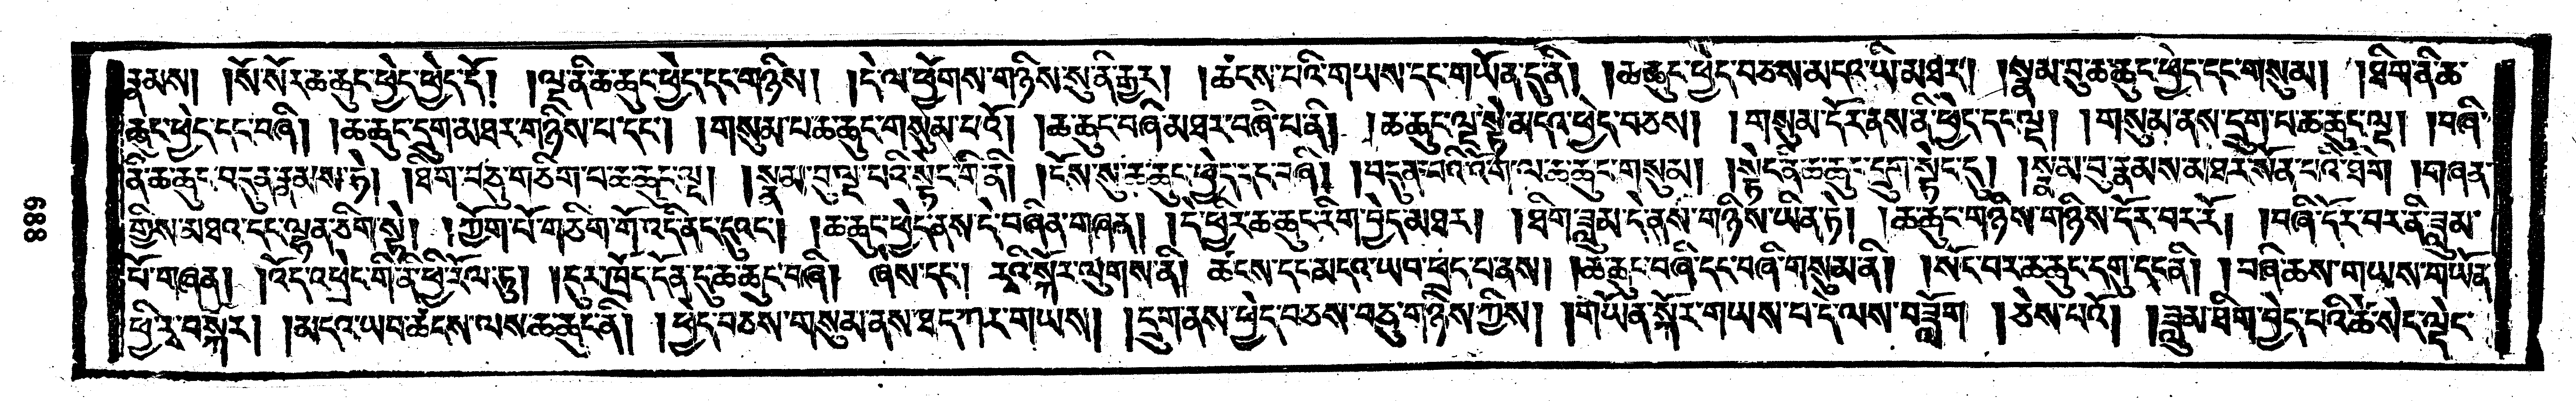རྣམས། །སོ་སོར་ཆ་ཆུང་ཕྱེད་ཕྱེད་དོ། །ལྔ་ནི་ཆ་ཆུང་ཕྱེད་དང་གཉིས། །དེ་ལ་ཕྱོགས་གཉིས་སུ་ནི་རྒྱར། །ཚངས་པའི་གཡས་དང་གཡོན་དུ་ནི། །ཆ་ཆུང་ཕྱེད་བཅས་མདའ་ཡི་མཐར། །སྣམ་བུ་ཆ་ཆུང་ཕྱེད་དང་གསུམ། །ཐིག་ནི་ཆ་
ཆུང་ཕྱེད་དང་བཞི། །ཆ་ཆུང་དྲུག་མཐར་གཉིས་པ་དང་། །གསུམ་པ་ཆ་ཆུང་གསུམ་པའོ། །ཆ་ཆུང་བཞི་མཐར་བཞི་པ་ནི། །ཆ་ཆུང་ལྔ་སྟེ་མདའ་ཕྱེད་བཅས། །གསུམ་དོར་ནས་ནི་ཕྱེད་དང་ལྔ། །གསུམ་ནས་དྲུག་པ་ཆ་ཆུང་ལྔ། །བཞི་
ནི་ཆ་ཆུང་བདུན་རྣམས་ཏེ། །ཐིག་བཅུ་གཅིག་པ་ཆ་ཆུང་ལྔ། །སྣམ་བུ་ལྔ་པའི་སྟེང་གི་ནི། །ངོས་སུ་ཆ་ཆུང་ཕྱེད་དང་བཞི། །བདུན་པའི་འོག་ལ་ཆ་ཆུང་གསུམ། །སྟེང་ནི་ཆ་ཆུང་དྲུག་སྟེང་དུ། །སྣམ་བུ་རྣམས་མཐར་སོན་པའི་ཐིག །གཞན་
གྱིས་མཐའ་དང་ལྷན་ཅིག་སྟེ། །ཀྱོག་པོ་གཅིག་གོ་འདི་ནང་དུ་འང་། །ཆ་ཆུང་ཕྱེད་ནས་དེ་བཞིན་གཞན། །དེ་ཕྱིར་ཆ་ཆུང་རིག་བྱེད་མཐར། །ཐིག་ཟླུམ་དེ་ནས་གཉིས་ཡིན་ཏེ། །ཆ་ཆུང་གཉིས་གཉིས་དོར་བར་རོ། །བཞི་དོར་བར་ནི་ཟླུམ་
པོ་གཞན། །འོད་འཕྲེང་གི་ནི་ཕྱི་རོལ་ཏུ། །དུར་ཁྲོད་དོན་དུ་ཆ་ཆུང་བཞི། ཞེས་དང་། རྭའི་སྐོར་ལུགས་ནི། ཚངས་དང་མདའ་ཡབ་ཕྲད་པ་ནས། །ཆ་ཆུང་བཞི་དང་བཞི་གསུམ་ནི། །སོང་བར་ཆ་ཆུང་དགུ་དང་ནི། །བཞི་ཆས་གཡས་གཡོན་
ཕྱི་རྭ་བསྐོར། །མདའ་ཡས་ཚངས་ལས་ཆ་ཆུང་ནི། །ཕྱེད་བཅས་གསུམ་ནས་ཐད་ཀར་གཡས། །དྲུག་ནས་ཕྱེད་བཅས་བཅུ་གཉིས་ཀྱིས། །གཡོན་སྐོར་གཡས་པ་དེ་ལས་བཟློག །ཅེས་པའོ། །ཟླུམ་ཐིག་བྱེད་པའི་ཚེ་སེང་ལྡེང་